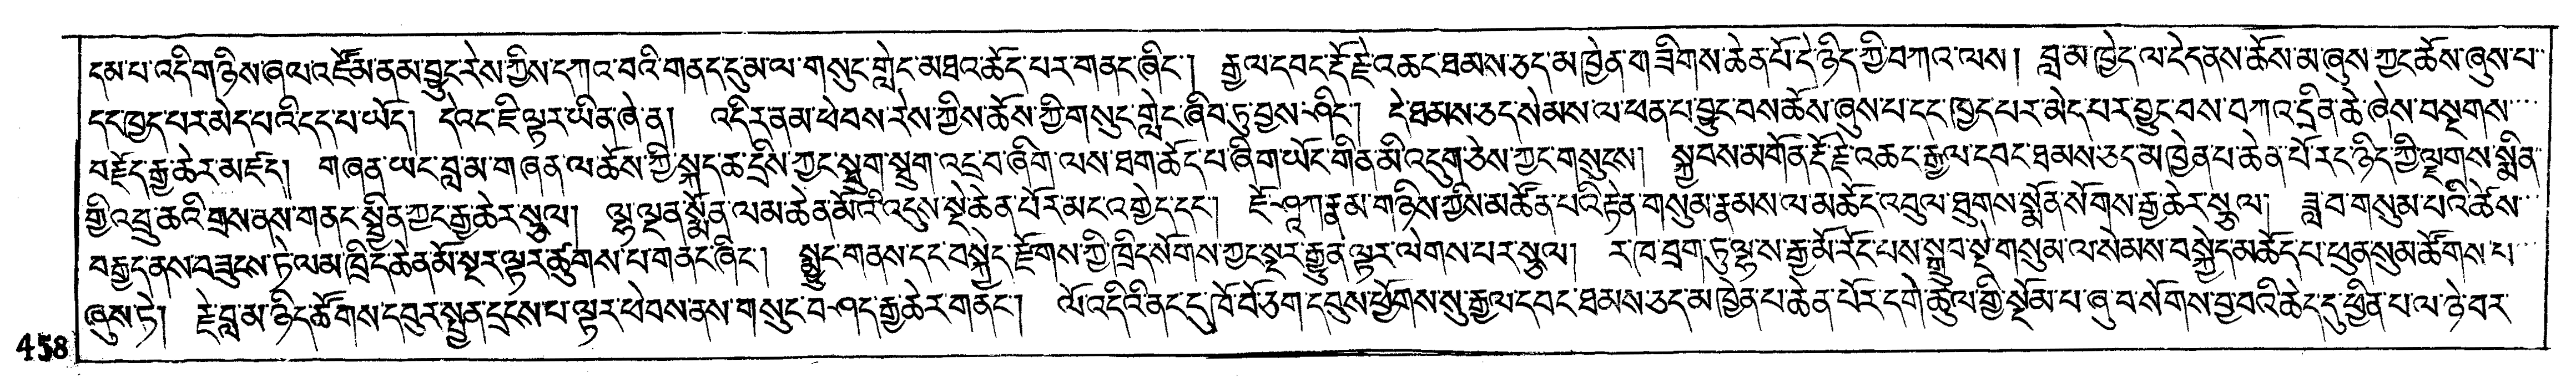དམ་པ་འདི་གཉིས་ཞལ་འཛོམ་ནམ་བྱུང་རེས་ཀྱིས་དཀའ་བའི་གནད་དུམ་ལ་གསུང་གླེང་མཐའ་ཆོད་པར་གནང་ཞིང་། རྒྱལ་དབང་རྡོ་རྗེ་འཆང་ཐམས་ཅད་མཁྱེན་གཟིགས་ཆེན་པོའི་དེ་ཉིད་ཀྱི་བཀའ་ལས། བླ་མ་ཁྱེད་ལ་ངེད་ནས་ཆོས་མ་ཞུས་ཀྱང་ཆོས་ཞུས་པ་
དང་ཁྱད་པར་མེད་པའི་དད་པ་ཡོད། དེའང་ཇི་ལྟར་ཡིན་ཞེ་ན། འདིར་ནམ་ཕེབས་རེས་ཀྱིས་ཆོས་ཀྱི་གསུང་གླེང་ཞིབ་ཏུ་བྱས་ཤིང་། དེ་ཐམས་ཅད་སེམས་ལ་ཕན་པ་བྱུང་བས་ཆོས་ཞུས་པ་དང་ཁྱད་པར་མེད་པར་བྱུང་བས་བཀའ་དྲིན་ཆེ་ཞེས་བསྔགས་
བརྗོད་རྒྱ་ཆེར་མཛད། གཞན་ཡང་བླ་མ་གཞན་ལ་ཆོས་ཀྱི་སྐད་ཆ་དྲིས་ཀྱང་སྦུག་སྦུག་འདྲ་བ་ཞིག་ལས་ཐག་ཆོད་པ་ཞིག་ཡོང་གིན་མི་འདུག་ཅེས་ཀྱང་གསུངས། སྐྱབས་མགོན་རྡོ་རྗེ་འཆང་རྒྱལ་དབང་ཐམས་ཅད་མཁྱེན་པ་ཆེན་པོ་རང་ཉིད་ཀྱི་ལྗགས་སྨིན་
གྱི་འབྲུ་ཆའི་གྲས་ནས་གནང་སྦྱིན་ཀྱང་རྒྱ་ཆེར་སྩལ། ལྷ་ལྡན་སྨོན་ལམ་ཆེན་མོའི་འདུས་སྡེ་ཆེན་པོར་མང་འགྱེད་དང་། ཇོ་ཤཱཀ་རྣམ་གཉིས་ཀྱིས་མཚོན་པའི་རྟེན་གསུམ་རྣམས་ལ་མཆོད་འབུལ་ཐུགས་སྨོན་སོགས་རྒྱ་ཆེར་སྩལ། ཟླ་བ་གསུམ་པའི་ཚེས་
བརྒྱད་ནས་བཟུངས་ཏེ་ལམ་ཁྲིད་ཆེན་མོ་སྔར་ལྟར་ཚུགས་པ་གནང་ཞིང་། སྨྱུང་གནས་དང་བསྐྱེད་རྫོགས་ཀྱི་ཁྲིད་སོགས་ཀྱང་སྔར་རྒྱུན་ལྟར་ལེགས་པར་སྩལ། ར་ཁ་བྲག་ཏུ་ལྷ་ས་རྒྱ་མོ་རོང་པས་སྒྲུབ་སྡེ་གསུམ་ལ་སེམས་བསྐྱེད་མཆོད་པ་ཕུན་སུམ་ཚོགས་པ་
ཞུས་ཏེ། རྗེ་བླ་མ་ཉིད་ཚོགས་དབུར་སྤྱན་དྲངས་པ་ལྟར་ཕེབས་ནས་གསུང་བཤད་རྒྱ་ཆེར་གནང་། ལོ་འདིའི་ནང་དུ་ཁོ་བོ་ཅག་དབུས་ཕྱོགས་སུ་རྒྱལ་དབང་ཐམས་ཅད་མཁྱེན་པ་ཆེན་པོར་དགེ་ཚུལ་གྱི་སྡོམ་པ་ཞུ་བ་སོགས་བྱ་བའི་ཆེད་དུ་ཕྱིན་པ་ལ་ཉེ་བར་